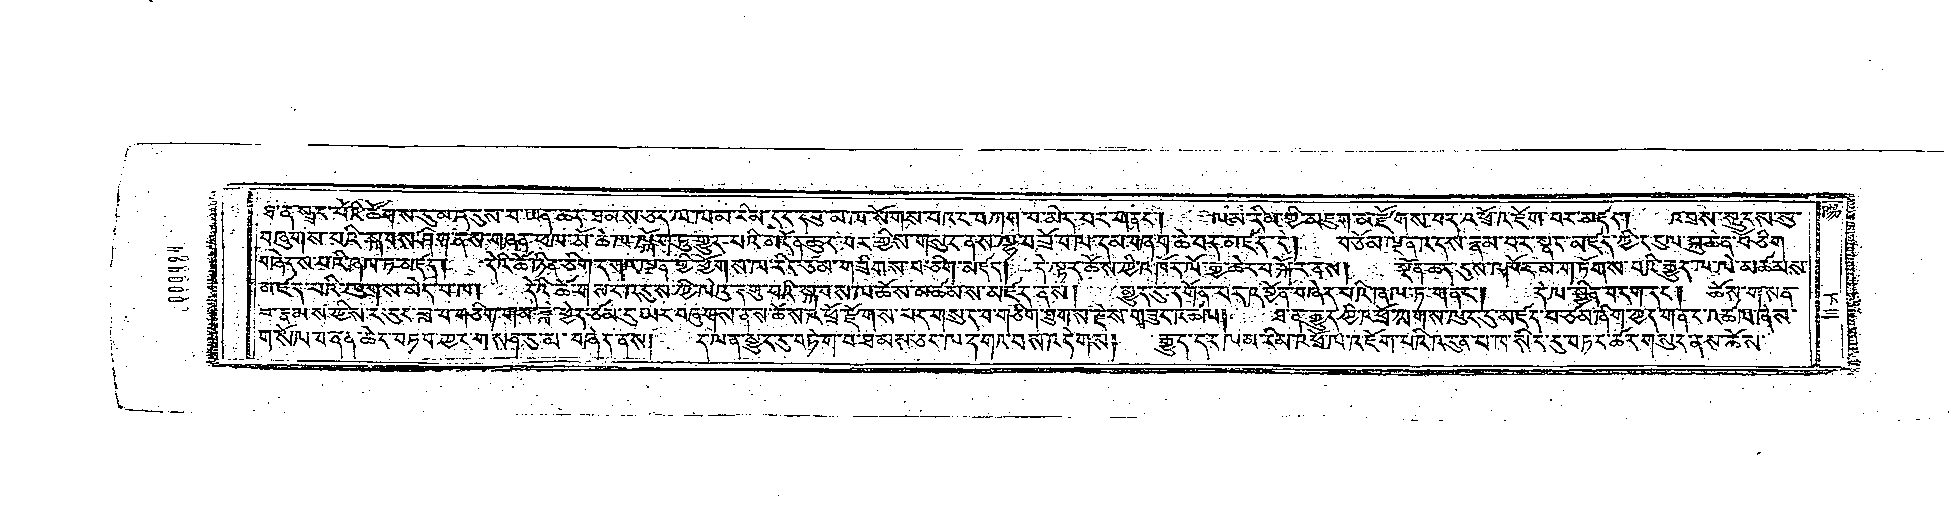ཐ་ན་སྤྲང་པོའི་ཚོགས་དུམ་འདུས་བ་ཡན་ཆད་ཐམས་ཅད་ལ་ལམ་རིམ་དང་དབུ་མ་ལ་སོགས་པའང་བཀག་པ་མེད་པར་གནང་། ལམ་རིམ་གྱི་མཇུག་མ་རྫོགས་པར་འཕྲོ་འཇོག་པར་མཛད། འབྲས་སྤུངས་སུ་
བཞུགས་པའི་སྐབས་ཤིག་ནས་གཞན་ཕལ་མོ་ཆེ་ལ་ལྐོག་ཏུ་གྱུར་པའི་མངོན་ཆུང་བར་གྱིས་གསུང་ནས་ལྷ་བཟོ་བ་ལ་དམ་བཞག་ཆེ་བར་མཛད་དེ། བཅོམ་ལྡན་འདས་རྣམ་པར་སྣང་མཛད་ཀྱི་དངུལ་སྐུ་ཆེན་པོ་ཅིག་
བཞེངས་པའི་ཞལ་ཏ་མཛད། དེའི་ཚེ་ཉིན་ཅིག་དགའ་ལྡན་གྱི་ཕྱོགས་ལ་རིང་ཙམ་གཟིགས་པ་ཅིག་མཛད། དེ་ལྟར་ཆོས་ཀྱི་འཁོར་ལོ་རྒྱ་ཆེར་བསྐོར་ནས། སྔོན་ཆད་དུས་འཁོར་མ་གཏོགས་པའི་རྒྱུད་ལ་ལེ་མཚམས་
མཛད་པའི་ལུགས་མེད་པ་ལ། དེའི་ཚེ་གསང་འདུས་ཀྱི་ལེའུ་དགུ་པའི་སྐབས་ལ་ཆོས་མཚམས་མཛད་ནས། མྱུར་དུ་དགོན་པར་འབྱོན་བཞེད་པའི་ཞལ་ཏ་གནང་། དེ་ལ་སྦྱིན་བདག་དང་། ཆོས་གསན་
བ་རྣམས་ཀྱིས་ང་དུང་ཟླ་བ་གཅིག་གམ་ཟླ་ཕྱེད་ཙམ་དུ་ཡང་བཞུགས་ནས་ཆོས་འཕྲོ་རྫོགས་པར་གསུང་བ་གཅིག་ཐུགས་རྗེས་གཟུང་འཚལ། ཐ་ན་རྒྱུད་ཀྱི་འཕྲོ་ཀླགས་ལུང་དུ་མཛད་པ་ཙམ་ཞིག་ཀྱང་གནང་འཚལ་ཞེས་
གསོལ་བ་ནན་ཆེར་བཏབ་ཀྱང་གསན་དུ་མ་བཞེད་ནས། ད་ལན་མྱུར་དུ་བཏེག་པ་ཐམས་ཅད་ལ་དགའ་བས་འདེགས། རྒྱུད་དང་ལམ་རིམ་འཕྲོ་ལ་འཇོག་པའི་འདུན་པ་ཁ་སིང་དུ་བཏང་ཚར་གསུང་ནས་ཆོས་